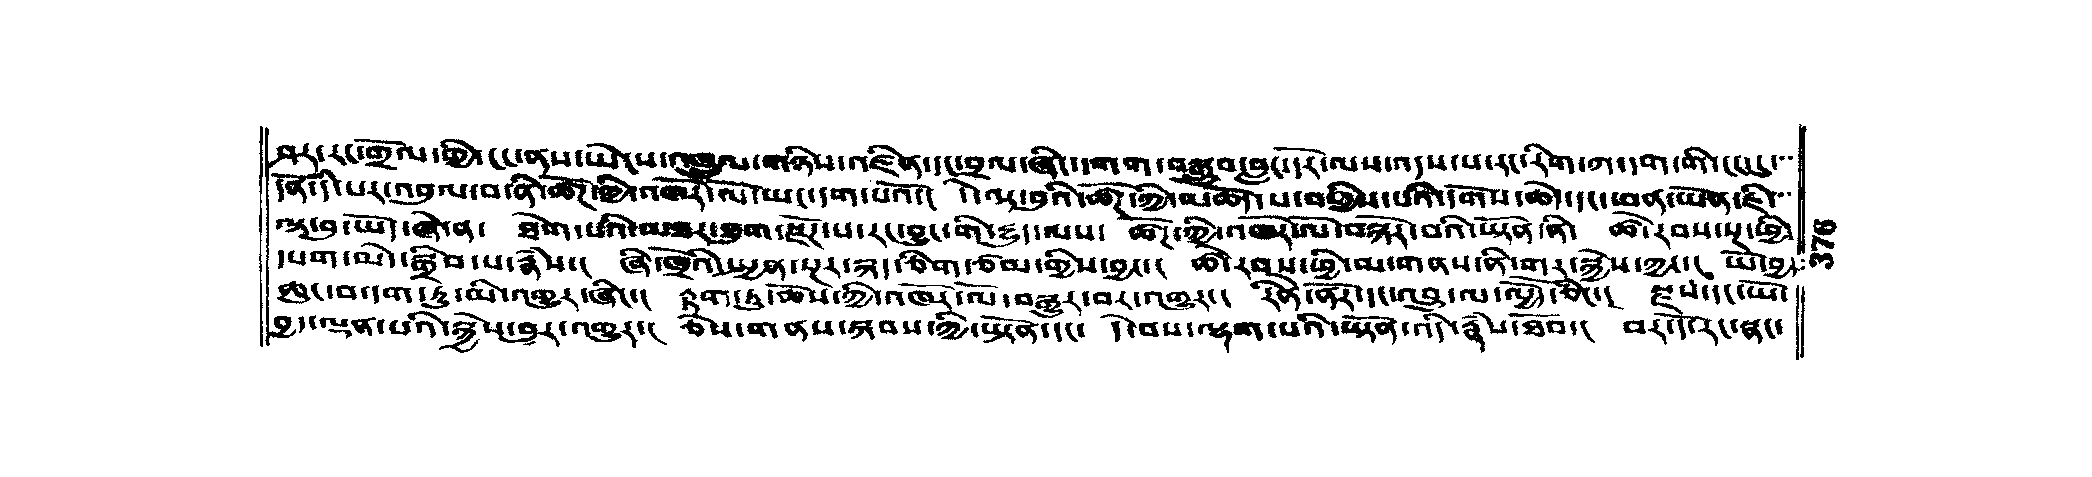ཤར་རང་གྲོལ་གྱི་ངང་ནས་ཡེངས་འཁྲུལ་གཉིས་འཛིན་དང་བྲལ་ཞིང་དགག་བསྒྲུབ་བླང་དོར་ལས་འདས་པ་རང་རིག་ཀ་དག་གི་ངང་དུ་
དོན་དམ་པར་འབུལ་བ་ནི་ཚོགས་ཀྱི་འཁོར་ལོ་ཡང་དག་པའོ། དེ་ལྟ་བུའི་ཚོགས་ཀྱི་མཆོད་པ་བགྱིས་པ་དགོས་ཆེད་དང་ཕན་ཡོན་ཇི་
ལྟ་བུ་ཡོད་ཞེ་ན། ཐེག་པའི་མཐར་ཐུག་རྫོགས་པ་རང་བྱུང་གི་རྒྱུད་ལས། ཚོགས་ཀྱི་འཁོར་ལོ་བསྐོར་བའི་ཡོན་ཏན་ནི། ཚེ་རབས་སྔ་ཕྱི་
དཔག་མེད་སྒྲིབ་པ་རྣམས། །ཞི་ཁྲོའི་སྤྱན་སྔར་སྐད་ཅིག་ཙམ་གྱིས་བྱང་། །ཚེ་རབས་ཕྱི་མ་གནས་ནི་གར་སྐྱེས་ཀྱང་། །ཡོ་བྱད་
ཆུང་བ་དག་ཏུ་མི་འགྱུར་ཞིང་།རྟག་ཏུ་ཆོས་ཀྱི་འཁོར་ལོ་བསྒྱུར་བར་འགྱུར། །རིན་ཆེན་ནོར་དང་འབྲུ་ལ་ལོངས་སྤྱོད་ཅིང་། །རྫས་དང་ཡོ་
བྱད་ལྡན་པའི་སྐྱེས་བུར་འགྱུར། །ཅེས་གནས་སྐབས་ཀྱི་ཡོན་ཏན་དང་། དེ་བས་ལྷག་པའི་ཡོན་ཏན་འདི་རྣམས་ཐོབ། །བར་དོ་རང་སྣང་